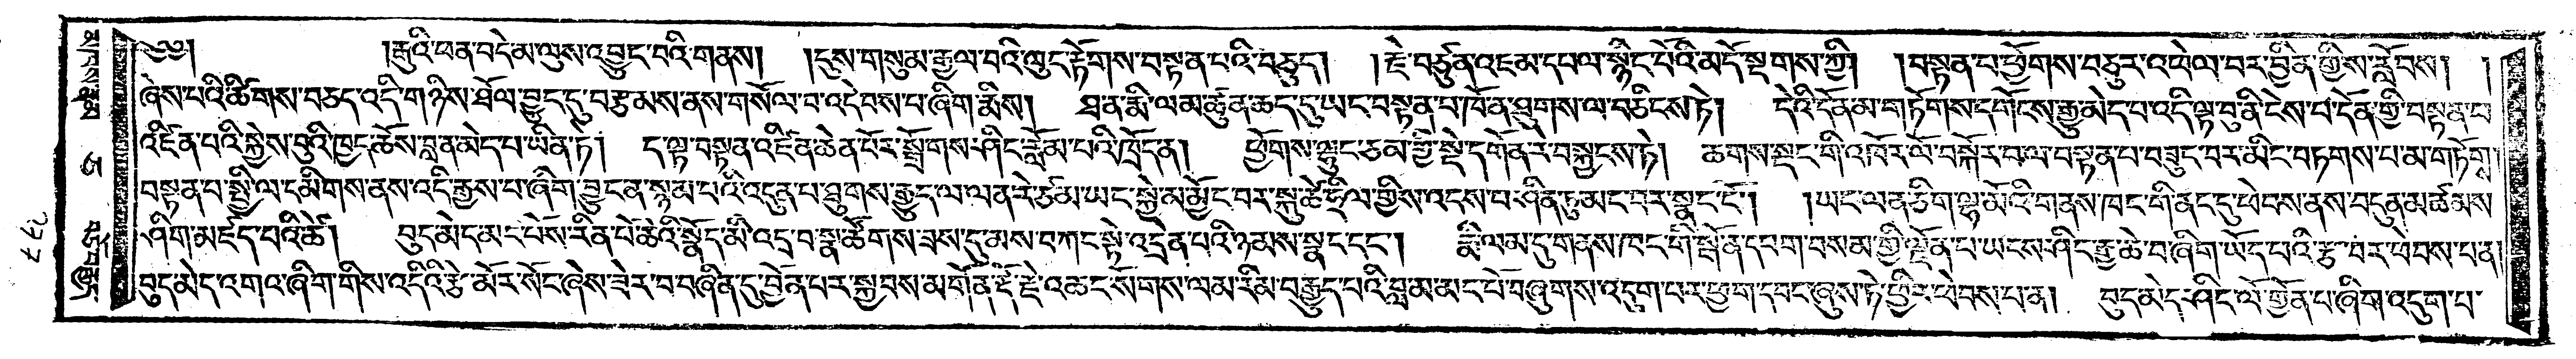༄༅། །རྒུའི་ཕན་བདེ་མ་ལུས་འབྱུང་བའི་གནས། །དུས་གསུམ་རྒྱལ་བའི་ལུང་རྟོགས་བསྟན་པའི་བཅུད། །རྗེ་བཙུན་འཇམ་དཔལ་སྙིང་པོའི་མདོ་སྔགས་ཀྱི། །བསྟན་པ་ཕྱོགས་བཅུར་འཕེལ་བར་བྱིན་གྱིས་རློབས། །
ཞེས་པའི་ཚིགས་བཅད་འདི་གཉིས་ཐོལ་བྱུང་དུ་བརྩམས་ནས་གསོལ་བ་འདེབས་པ་ཞིག་རྨིས། ཐ་ན་རྨི་ལམ་ཚུན་ཆད་དུ་ཡང་བསྟན་པ་ཁོ་ན་ཐུགས་ལ་བཅིངས་ཏེ། དེའི་དོན་མ་གཏོགས་དགོངས་རྒྱུ་མེད་པ་འདི་ལྟ་བུ་ནི་ངེས་པ་དོན་གྱི་བསྟན་པ་
འཛིན་པའི་སྐྱེས་བུའི་ཁྱད་ཆོས་བླ་ན་མེད་པ་ཡིན་ཏེ། ད་ལྟ་བསྟན་འཛིན་ཆེན་པོར་སྒྲོགས་ཤིང་རློམ་པའི་ཁྲོད་ན། ཕྱོགས་ལྷུང་ཙམ་གྱི་སྡེ་དགོན་རེ་བསྐྱངས་ཏེ། ཆགས་སྡང་གི་འཁོར་ལོ་བསྐོར་བ་ལ་བསྟན་པ་བཟུང་བར་མིང་བཏགས་པ་མ་གཏོགས།
བསྟན་པ་སྤྱི་ལ་དམིགས་ནས་འདི་རྒྱས་པ་ཞིག་བྱུང་ན་སྙམ་པའི་འདུན་པ་ཐུགས་རྒྱུད་ལ་ལན་རེ་ཙམ་ཡང་སྐྱེ་མ་མྱོང་བར་སྐུ་ཚེ་ཧྲིལ་གྱིས་འདས་བ་ཤིན་ཏུ་མང་བར་སྣང་ངོ། །ཡང་ལན་ཅིག་ལྷ་མོའི་གནས་ཁང་གི་ནང་དུ་ཕེབས་ནས་བདུན་མཚམས་
ཤིག་མཛད་པའི་ཚེ། བུད་མེད་མང་པོས་རིན་པོ་ཆེའི་སྣོད་མི་འདྲ་བ་སྣ་ཚོགས་ཟས་དུ་མས་བཀང་སྟེ་འདྲེན་པའི་ཉམས་སྣང་དང་། རྨི་ལམ་དུ་གནས་ཁང་གི་སྒོ་ན་དཔག་བསམ་གྱི་ལྗོན་པ་ཡངས་ཤིང་རྒྱ་ཆེ་བ་ཞིག་ཡོད་བའི་རྩ་བར་ཕེབས་པ་ན།
བུད་མེད་འགའ་ཞིག་གིས་འདིའི་རྩེ་མོར་སོང་ཞེས་ཟེར་བ་བཞིན་དུ་བྱོན་པར་སྐྱབས་མགོན་རྡོ་རྗེ་འཆང་སོགས་ལམ་རིམ་བརྒྱུད་པའི་བླ་མ་མང་པོ་བཞུགས་འདུག་པར་ཕྱག་དབང་ཞུས་ཏེ་ཕྱིར་ཕེབས་པ་ན། བུད་མེད་ཤིང་ལོ་གྱོན་པ་ཞིག་འདུག་པ་